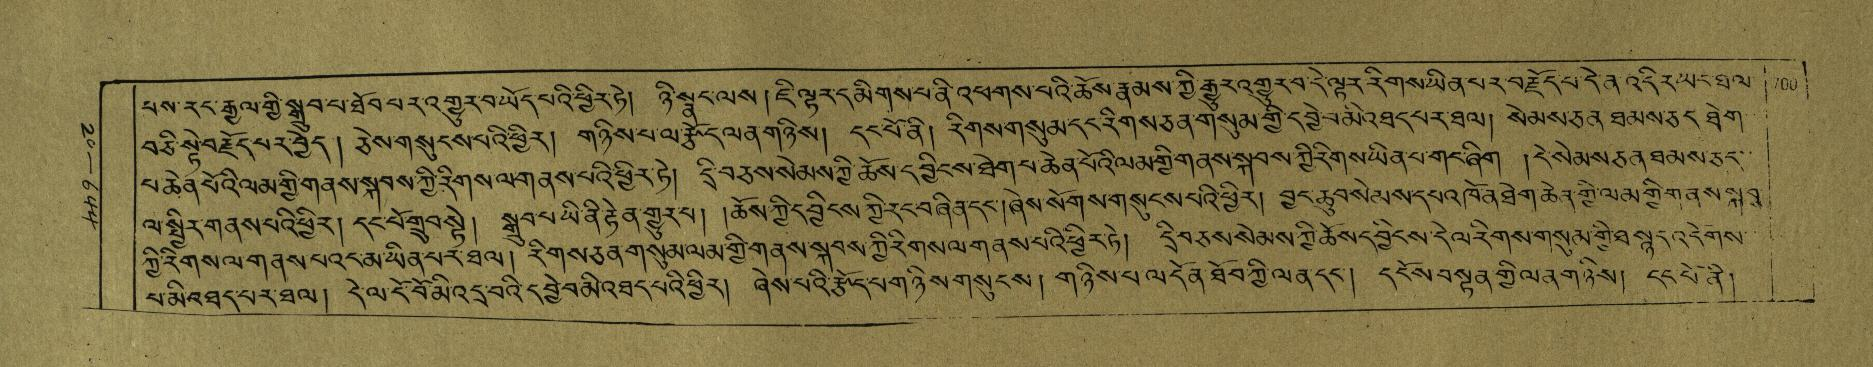པས་རང་རྒྱལ་གྱི་སྒྲུབ་པ་ཐོབ་པར་འགྱུར་བ་ཡོད་པའི་ཕྱིར་ཏེ། ཉི་སྣང་ལས། ཇི་ལྟར་དམིགས་པ་ནི་འཕགས་པའི་ཆོས་རྣམས་ཀྱི་རྒྱུར་འགྱུར་བ་དེ་ལྟར་རིགས་ཡིན་པར་བརྗོད་པ་དེ་ན་འདིར་ཡང་ཐལ་
བ་ཅི་སྟེ་བརྗོད་པར་བྱེད། ཅེས་གསུངས་པའི་ཕྱིར། གཉིས་པ་ལ་རྩོད་ལན་གཉིས། དང་པོ་ནི། རིགས་གསུམ་དང་རིགས་ཅན་གསུམ་གྱི་དབྱེ་བ་མི་འཐད་པར་ཐལ། སེམས་ཅན་ཐམས་ཅད་ཐེག་
པ་ཆེན་པོའི་ལམ་གྱི་གནས་སྐབས་ཀྱི་རིགས་ལ་གནས་པའི་ཕྱིར་ཏེ། དྲི་བཅས་སེམས་ཀྱི་ཆོས་དབྱིངས་ཐེག་པ་ཆེན་པོའི་ལམ་གྱི་གནས་སྐབས་ཀྱི་རིགས་ཡིན་པ་གང་ཞིག །དེ་སེམས་ཅན་ཐམས་ཅད་
ལ་སྤྱིར་གནས་པའི་ཕྱིར། དང་པོ་གྲུབ་སྟེ། སྒྲུབ་པ་ཡི་ནི་རྟེན་གྱུར་པ། །ཆོས་ཀྱི་དབྱིངས་ཀྱི་རང་བཞིན་དང་། ཞེས་སོགས་གསུངས་པའི་ཕྱིར། བྱང་ཆུབ་སེམས་དཔའ་ཁོ་ན་ཐེག་ཆེན་གྱི་ལམ་གྱི་གནས་སྐབས་
ཀྱི་རིགས་ལ་གནས་པའང་མ་ཡིན་པར་ཐལ། རིགས་ཅན་གསུམ་ལམ་གྱི་གནས་སྐབས་ཀྱི་རིགས་ལ་གནས་པའི་ཕྱིར་ཏེ། དྲི་བཅས་སེམས་ཀྱི་ཆོས་དབྱིངས་དེ་ལ་རིགས་གསུམ་གྱི་ཐ་སྙད་འདོགས་
པ་མི་འཐད་པར་ཐལ། དེ་ལ་ངོ་བོ་མི་འདྲ་བའི་དབྱེ་བ་མི་འཐད་པའི་ཕྱིར། ཞེས་པའི་རྩོད་པ་གཉིས་གསུངས། གཉིས་པ་ལ་དོན་ཐོབ་ཀྱི་ལན་དང་། དངོས་བསྟན་གྱི་ལན་གཉིས། དང་པོ་ནི།